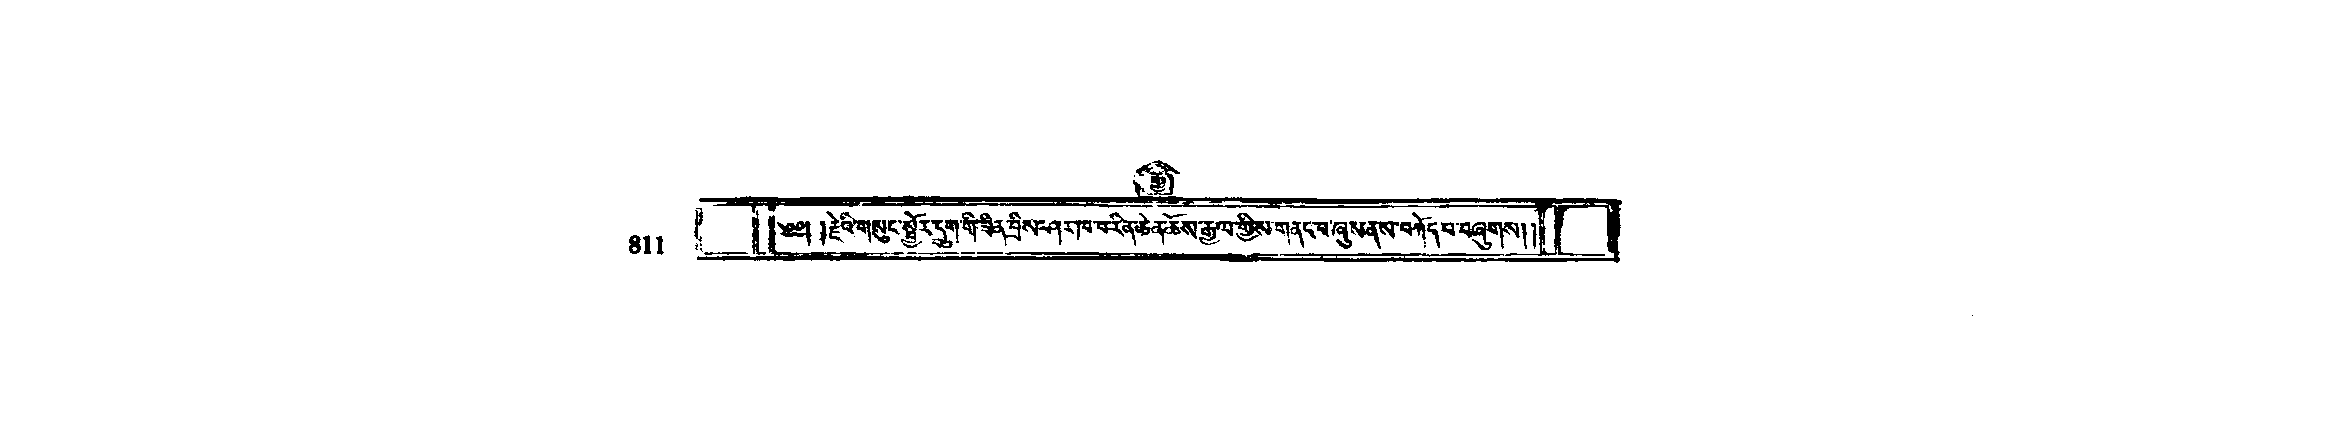༼རྒྱ༽ ༄༅། །རྗེའི་གསུང་སྦྱོར་དྲུག་གི་ཟིན་བྲིས་ཤར་ཁ་བ་རིན་ཆེན་ཆོས་རྒྱལ་གྱིས་གནང་བ་ཞུས་ནས་བཀོད་པ་བཞུགས། །